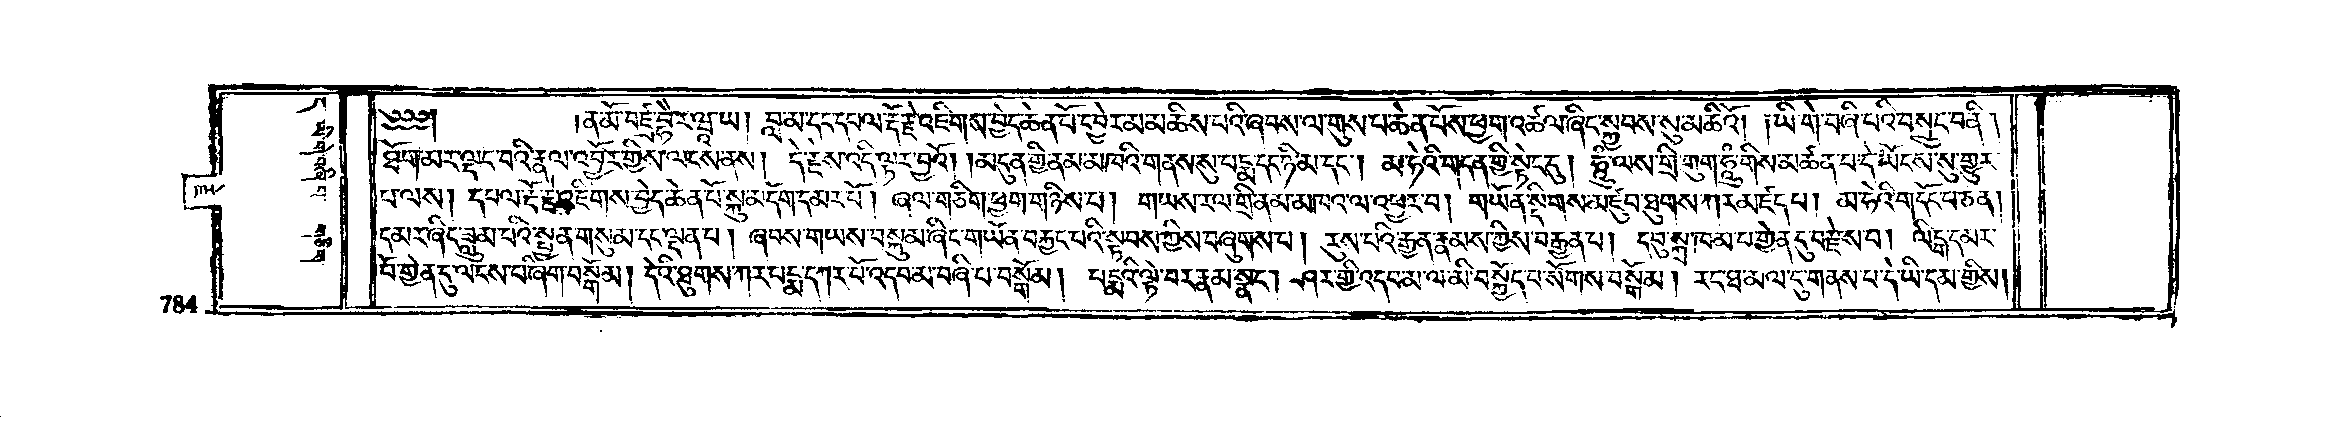༄༅༅། །ན་མོ་བཛྲ་བྷཻ་ར་ཝཱ་ཡ། བླ་མ་དང་དཔལ་རྡོ་རྗེ་འཇིགས་བྱེད་ཆེན་པོ་དབྱེར་མ་མཆིས་པའི་ཞབས་ལ་གུས་པ་ཆེན་པོས་ཕྱག་འཚལ་ཞིང་སྐྱབས་སུ་མཆིའོ། །ཡི་གེ་བཞི་པའི་བསྲུང་བ་ནི།
ཐོག་མར་ལྡང་བའི་རྣལ་འབྱོར་གྱིས་ལངས་ནས། དེ་རྗེས་འདི་ལྟར་བྱའོ། །མདུན་གྱི་ནམ་མཁའི་གནས་སུ་པདམ་དང་ཉི་མ་དང་། མ་ཧེའི་གདན་གྱི་སྟེང་དུ། ཧཱུཾ་ལས་གྲི་གུག་ཧཱུཾ་གིས་མཚན་པ་དེ་ཡོངས་སུ་གྱུར་
པ་ལས། དཔལ་རྡོ་རྗེ་འཇིགས་བྱེད་ཆེན་པོ་སྐུ་མདོག་དམར་པོ། ཞལ་གཅིག་ཕྱག་གཉིས་པ། གཡས་རལ་གྲི་ནམ་མཁའ་ལ་འཕྱར་བ། གཡོན་སྡིགས་མཛུབ་ཐུགས་ཀར་མཛད་པ། མ་ཧེའི་གདོང་པ་ཅན།
དམར་ཞིང་ཟླུམ་པའི་སྤྱན་གསུམ་དང་ལྡན་པ། ཞབས་གཡས་བསྐུམ་ཞིང་གཡོན་བརྐྱང་པའི་སྟབས་ཀྱིས་བཞུགས་པ། རུས་པའི་རྒྱན་རྣམས་ཀྱིས་བརྒྱན་པ། དབུ་སྐྲ་ཁམ་པ་གྱེན་དུ་བརྫེས་པ། ལིངྒ་དམར་
པོ་གྱེན་དུ་ལངས་པ་ཞིག་བསྒོམ། དེའི་ཐུགས་ཀར་པདམ་དཀར་པོ་འདབ་མ་བཞི་པ་བསྒོམ། པདམའི་ལྟེ་བར་རྣམ་སྣང་། ཤར་གྱི་འདབ་མ་ལ་མི་བསྐྱོད་པ་སོགས་བསྒོམ། རང་ཐ་མལ་དུ་གནས་པ་དེ་ཡི་དམ་གྱིས།